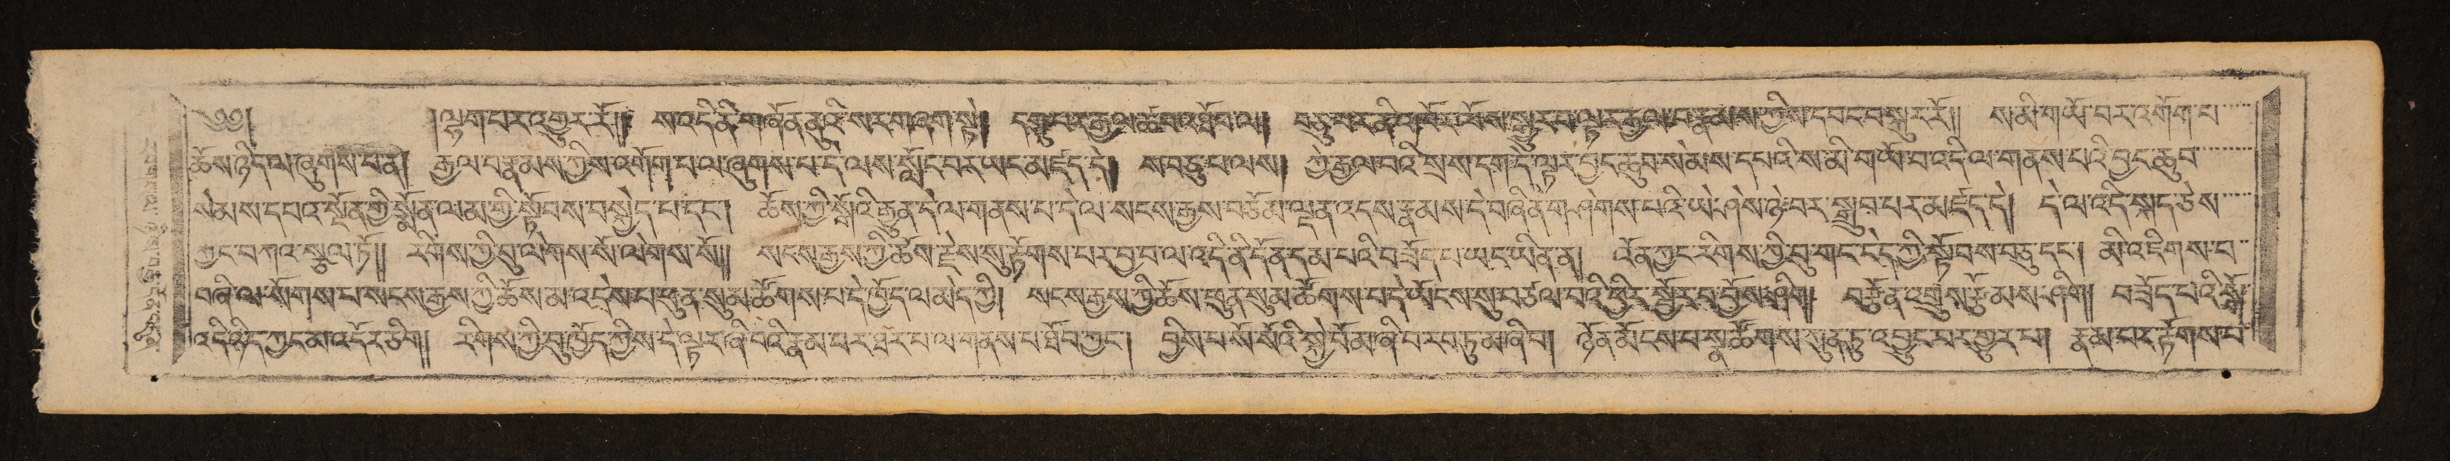༄༅། །ལྷག་པར་འགྱུར་རོ།། ས་འདི་ནི་གཞོན་ནུའི་སར་གཞག་སྟེ། དགུ་པར་རྒྱལ་ཚབ་འཐོབ་ལ། བཅུ་པར་ནི་འཁོར་ལོས་སྒྱུར་བ་ལྟར་རྒྱལ་བ་རྣམས་ཀྱིས་དབང་བསྐུར་རོ།། ས་མི་གཡོ་བར་འགོག་པ་
ཆོས་ཉིད་ལ་ཞུགས་པ་ན། རྒྱལ་བ་རྣམས་ཀྱིས་འགོག་པ་ལ་ཞུགས་པ་དེ་ལས་སློང་བར་ཡང་མཛད་དེ། ས་བཅུ་པ་ལས། ཀྱེ་རྒྱལ་བའི་སྲས་དག་དེ་ལྟར་བྱང་ཆུབ་སེམས་དཔའི་ས་མི་གཡོ་བ་འདི་ལ་གནས་པའི་བྱང་ཆུབ་
སེམས་དཔའ་སྔོན་གྱི་སྨོན་ལམ་གྱི་སྟོབས་བསྐྱེད་པ་དང་། ཆོས་ཀྱི་སྒོའི་རྒྱུན་དེ་ལ་གནས་པ་དེ་ལ་སངས་རྒྱས་བཅོམ་ལྡན་འདས་རྣམས་དེ་བཞིན་གཤེགས་པའི་ཡེ་ཤེས་ཉེ་བར་སྒྲུབ་པར་མཛད་དེ། དེ་ལ་འདི་སྐད་ཅེས་
ཀྱང་བཀའ་སྩལ་ཏོ།། རིགས་ཀྱི་བུ་ལེགས་སོ་ལེགས་སོ།། སངས་རྒྱས་ཀྱི་ཆོས་རྗེས་སུ་རྟོགས་པར་བྱ་བ་ལ་འདི་ནི་དོན་དམ་པའི་བཟོད་པ་ཡང་ཡིན་ནོ། འོན་ཀྱང་རིགས་ཀྱི་བུ་གང་ངེད་ཀྱི་སྟོབས་བཅུ་དང་། མི་འཇིགས་པ་
བཞི་ལ་སོགས་པ་སངས་རྒྱས་ཀྱི་ཆོས་མ་འདྲེས་པ་ཕུན་སུམ་ཚོགས་པ་དེ་ཁྱོད་ལ་མེད་ཀྱི། སངས་རྒྱས་ཀྱི་ཆོས་ཕུན་སུམ་ཚོགས་པ་དེ་ཡོངས་སུ་བཙལ་བའི་ཕྱིར་སྦྱོར་བ་བྱོས་ཤིག། བརྩོན་འགྲུས་རྩོམས་ཤིག། བཟོད་པའི་སྒོ་
འདི་ཉིད་ཀྱང་མ་འདོར་ཅིག། རིགས་ཀྱི་བུ་ཁྱོད་ཀྱིས་དེ་ལྟར་ཞི་བའི་རྣམ་པར་ཐར་པ་ལ་གནས་པ་ཐོབ་ཀྱང་། བྱིས་པ་སོ་སོའི་སྐྱེ་བོ་མ་ཞི་བ་རབ་ཏུ་མ་ཞིག་བ། ཉོན་མོངས་པ་སྣ་ཚོགས་ཀུན་ཏུ་བྱུང་བར་གྱུར་པ། རྣམ་པར་རྟོགས་པ་